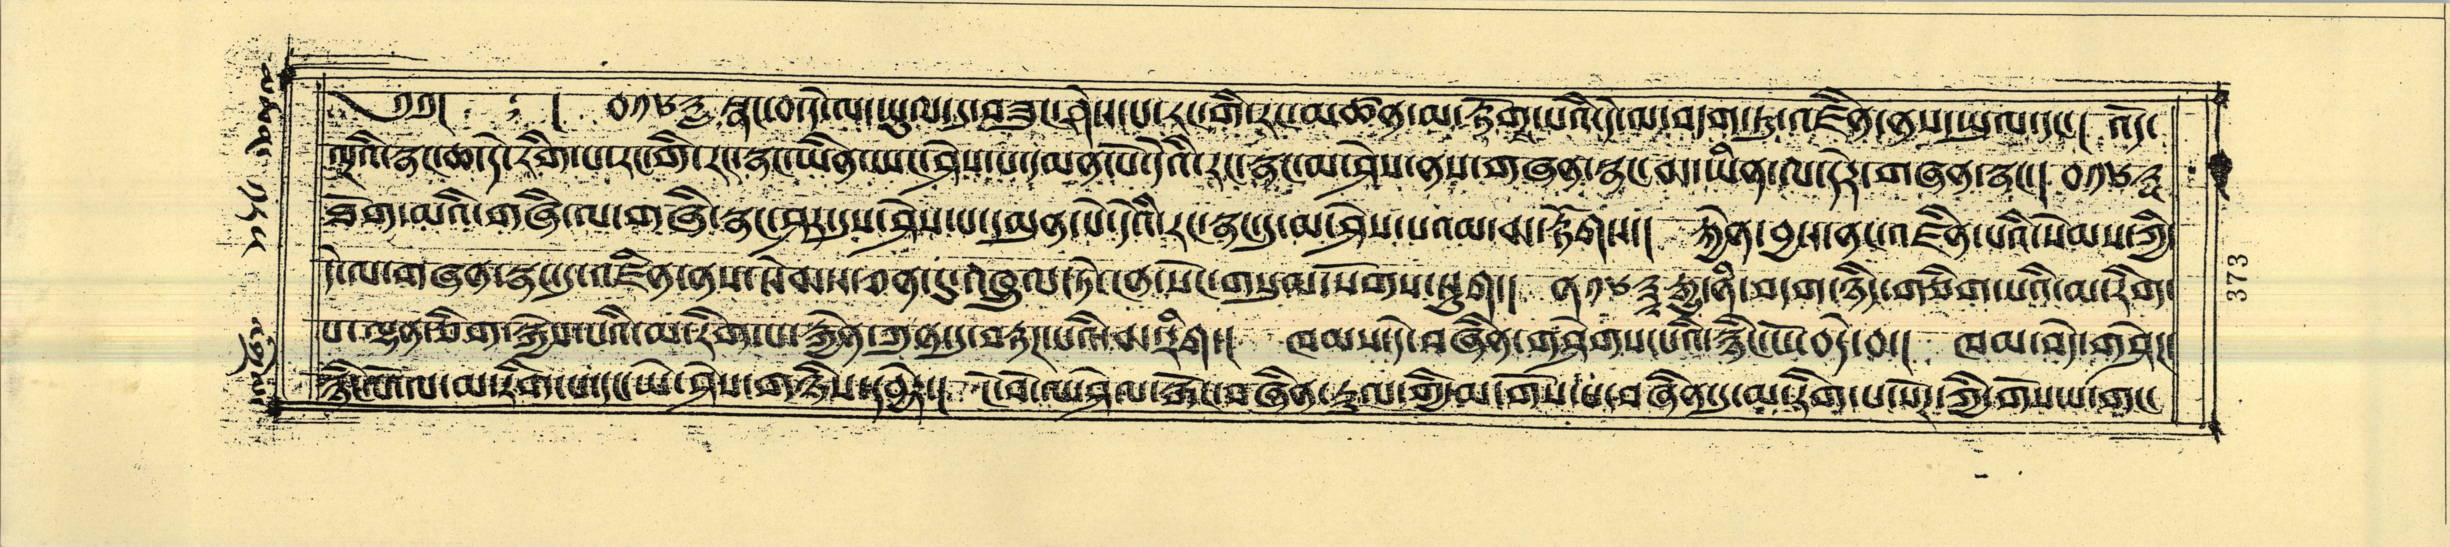བ༡༦༢།༤ ༼སྣང་བ་༽དེ་ལ་ ༼ཡུལ་དུ་༽བཟུང་ ༼ཤེས་པ་༽རང་གི་རང་མཚན་མ་རྟོག་པའི་དེ་ལ་བདག་ཏུ་འཛིན་ནས་ཡུལ་དང། འོད་
ལྔའི་སྣང་ཆ་ ༼དེ་༽རིག་པ་རང་གི་རང་སྣང་ཡིན་ཡང་ཤེས་པ་དམན་པོ་དེའི་རང་སྣང་མ་ཤེས་ནས་གཞན་སྣང་ ༼མ་ཡིན་ལ་དེར་༽གཞན་སྣང། བ༡༦༢།༥ 
ཐོག་མའི་གཞི་ལ་གཞི་སྣང་ཤར་དུས་ཤེས་པ་དམུན་པེ་དེའི་རང་སྣང་དུ་མ་ཤེས་པ་འམ་ ༼མ་རྟོགས།༽ ༼རྐྱེན་བྱས་༽ནང་འཛིན་པའི་སེམས་ཀྱི་
དེ་ལ་གཞན་སྣང་དུ་འཛིན་ནས་ ༼སེམས་ཅན་དུ་འཁྲུལ་༽ཏེ་ངན་སོང་གསུམ་སོགས་ ༼སྡུག༽ན༡༦༣།༢ ༼རྒྱུ་ནི་༽བདག་ཉིད་གཅིག་པའི་མ་རིག་
པ་ལྷན་ཅིག་སྐྱེས་པའི་མ་རིག་པ་རྐྱེན་ཀུན་ཏུ་བརྟགས་པའི་ ༼མ་རིག༽ཁམས་དེ་བཞིན་གཤེགས་པའི་སྙིང་པོ་ ༼བདེ་བ།༽ཁམས་བདེ་གཤེགས་
སྙིང་པོ་ལ་མ་རིག་པ་དང་ཡེ་ཤེས་གཉིས་ ༼དབྱེར།༽ངོ་བོ་ལ་ཤེལ་སྒོང་བཞིན་རྡུལ་གྱི་མ་གོས་པ་བཞིན་དུ་མ་རིག་པ་སོགས་ཀྱི་གོས་པ་གང་